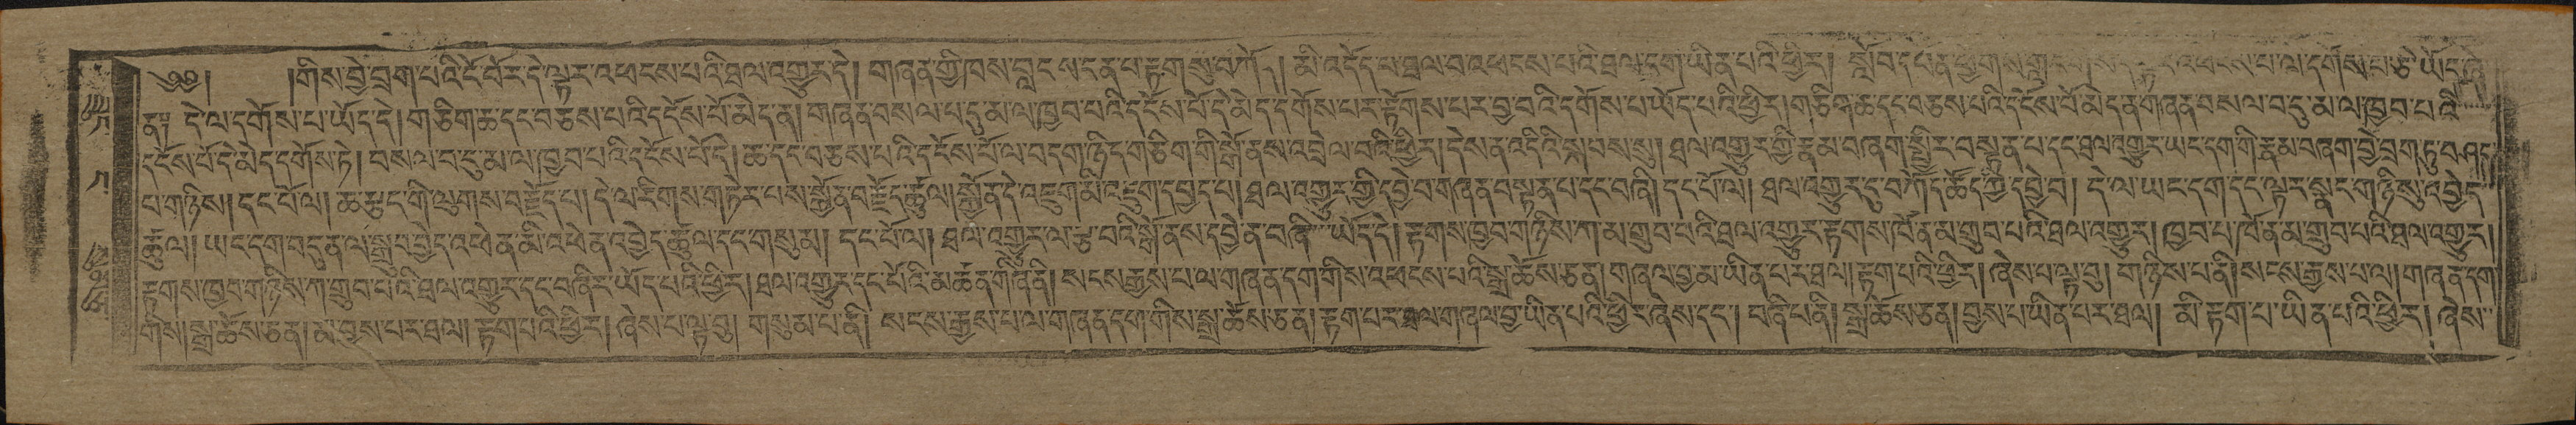༄༅། །གིས་བྱེ་བྲག་པའི་ངོ་བོར་དེ་ལྟར་འཕངས་པའི་ཐལ་འགྱུར་དེ། གཞན་གྱི་ཁས་བླངས་ངན་པ་རྟགས་སུ་བཀོད། མི་འདོད་པ་ཐལ་བ་འཕངས་པའི་ཐལ་ངག་ཡིན་པའི་ཕྱིར། སློབ་དཔོན་ཕྱོགས་གླང་གིས་དེ་ལྟར་འཕངས་པ་ལ་དགོས་པ་ཅི་ཡོད་ཞེ་
ན༑ དེ་ལ་དགོས་པ་ཡོད་དེ། གཅིག་ཆ་དང་བཅས་པའི་དངོས་པོ་མེད་ན། གཞན་བསལ་པ་དུ་མ་ལ་ཁྱབ་པའི་དངོས་པོ་དེ་མེད་དགོས་པར་རྟོགས་པར་བྱ་བའི་དགོས་པ་ཡོད་པའི་ཕྱིར། གཅིག་ཆ་དང་བཅས་པའི་དངོས་པོ་མེད་ན་གཞན་བསལ་བ་དུ་མ་ལ་ཁྱབ་པའི་
དངོས་པོ་དེ་མེད་དགོས་ཏེ། བསལ་བ་དུ་མ་ལ་ཁྱབ་པའི་དངོས་པོ་དེ། ཆ་དང་བཅས་པའི་དངོས་པོ་ལ་བདག་ཉིད་གཅིག་གི་སྒོ་ནས་འབྲེལ་བའི་ཕྱིར། དེས་ན་འདིའི་སྐབས་སུ། ཐལ་འགྱུར་གྱི་རྣམ་བཞག་སྤྱིར་བསྟན་པ་དང་ཐལ་འགྱུར་ཡང་དག་གི་རྣམ་བཞག་བྱེ་བྲག་ཏུ་བཤད་
པ་གཉིས། དང་པོ་ལ། ཆ་རྩང་གི་ལུགས་བརྗོད་པ། དེ་ལ་རིགས་གཏེར་པས་སྐྱོན་བརྗོད་ཚུལ། སྐྱོན་དེ་འཇུག་མི་འཇུག་དཔྱད་པ། ཐལ་འགྱུར་གྱི་དབྱེ་བ་གཞན་བསྟན་པ་དང་བཞི། དང་པོ་ལ། ཐལ་འགྱུར་དུ་བཀོད་ཚོད་ཀྱི་དབྱེ་བ། དེ་ལ་ཡང་དག་དང་ལྟར་སྣང་གཉིས་སུ་འབྱེད་
ཚུལ། ཡང་དག་བདུན་ལ་སྒྲུབ་བྱེད་འཕེན་མི་འཕེན་འབྱེད་ཚུལ་དང་གསུམ། དང་པོ་ལ། ཐལ་འགྱུར་ལ་རྩ་བའི་སྒོ་ནས་དབྱེ་ན་བཞི་ཡོད་དེ། རྟགས་ཁྱབ་གཉིས་ཀ་མ་གྲུབ་པའི་ཐལ་འགྱུར་རྟགས་ཁོ་ན་མ་གྲུབ་པའི་ཐལ་འགྱུར། ཁྱབ་པ་ཁོ་ན་མ་གྲུབ་པའི་ཐལ་འགྱུར་
རྟགས་ཁྱབ་གཉིས་ཀ་གྲུབ་པའི་ཐལ་འགྱུར་དང་བཞིར་ཡོད་པའི་ཕྱིར། ཐལ་འགྱུར་དང་པོའི་མཚན་གཞི་ནི། སངས་རྒྱས་པ་ལ་གཞན་དག་གིས་འཕངས་པའི་སྒྲ་ཆོས་ཅན། གཞལ་བྱ་མ་ཡིན་པར་ཐལ། རྟག་པའི་ཕྱིར། ཞེས་པ་ལྟ་བུ། གཉིས་པ་ནི། སངས་རྒྱས་པ་ལ། གཞན་དག་
གིས། སྒྲ་ཆོས་ཅན། མ་བྱས་པར་ཐལ། རྟག་པའི་ཕྱིར། ཞེས་པ་ལྟ་བུ། གསུམ་པ་ནི། སངས་རྒྱས་པ་ལ་གཞན་དག་གིས་སྒྲ་ཆོས་ཅན། རྟག་པར་ཐལ་གཞལ་བྱ་ཡིན་པའི་ཕྱིར་ཞེས་དང་། བཞི་པ་ནི། སྒྲ་ཆོས་ཅན། བྱས་པ་ཡིན་པར་ཐལ། མི་རྟག་པ་ཡིན་པའི་ཕྱིར། ཞེས་